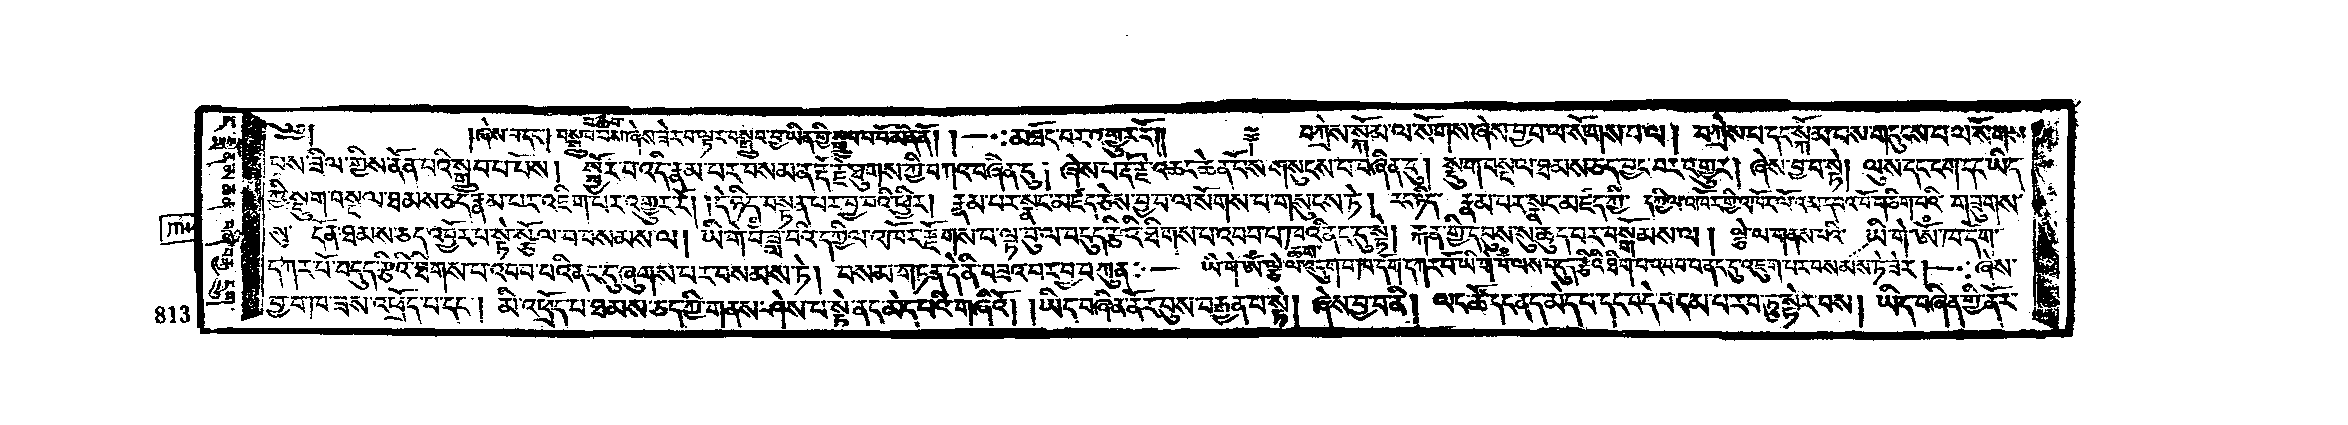༄༅། །ཞེས་པ་དང་། པ་ཚབ་བསྒྲུབ་པས་ཞེས་ཟེར་བ་ལྟར་བསྒྲུབ་བྱ་ཡིན་གྱི་སྒྲུབ་པ་པོ་མིན་ནོ། །.Hམཐོང་བར་འགྱུར་རོ།། ༈ བཀྲེས་སྐོམ་ལ་སོགས་ཞེས་བྱ་བ་ལ་སོགས་པ་ལ། བཀྲེས་པ་དང་སྐོམ་པས་གདུངས་པ་ལ་སོགས་
པས་ཟིལ་གྱིས་ནོན་པའི་སྒྲུབ་པ་པོས། སྦྱོར་བ་འདི་རྣམ་པར་བསམ་ན་རྡོ་རྗེ་ཐུགས་ཀྱི་བཀའ་བཞིན་དུ། ཞེས་པ་རྡོ་རྗེ་འཚང་ཆེན་པོས་གསུངས་པ་བཞིན་དུ། སྡུག་བསྔལ་ཐམས་ཅད་བྱང་བར་འགྱུར། ཞེས་བྱ་བ་སྟེ། ལུས་དང་ངག་དང་ཡིད་
ཀྱི་སྡུག་བསྔལ་ཐམས་ཅད་རྣམ་པར་འཇིག་པར་འགྱུར་རོ། །དེ་ཉིད་བསྟན་པར་བྱ་བའི་ཕྱིར། རྣམ་པར་སྣང་མཛད་ཅེས་བྱ་བ་ལ་སོགས་པ་གསུངས་ཏེ། རང་ཉིད་རྣམ་པར་སྣང་མཛད་ཀྱི་དཀྱིལ་འཁོར་གྱི་འཁོར་ལོ་འམ་དཔའ་བོ་གཅིག་པའི་གཟུགས་
སུ་དོན་ཐམས་ཅད་འབྱོར་བ་སྟེ་སྩོལ་བ་བསམས་ལ། ཡི་གེ་བོཾ་ཟླ་བའི་དཀྱིལ་འཁོར་རྫོགས་པ་ལྟ་བུ་ལ་བདུད་རྩིའི་ཐིགས་པ་འབབ་པ་ཁའི་ནང་དུ་སྟེ། རྐན་གྱི་དབུས་སུ་ཆུད་པར་བསྒོམས་ལ། ལྕེ་ལ་གནས་པའི་ཡི་གེ་ཨོཾ་ཁ་དོག་
དཀར་པོ་བདུད་རྩིའི་ཐིགས་པ་འབབ་པའི་ནང་དུ་ཞུགས་པར་བསམས་ཏེ། བསམ་གཏན་དེ་ནི་བཟའ་བར་བྱ་བ་ཀུནཿ་ཡི་གེ་ཨོཾ་ལྕེ་ལ་ཆག་འདུག་པ་ཁ་དོག་དཀར་པོ་ཡིག་གེ་བོཾ་ལས་བདུད་རྩིའི་ཐིག་པ་འབབ་པ་ནང་དུ་འཇུག་པར་བསམས་ཏེ་ཟེར།  .Hཞེས་
བྱ་བ་ཁ་ཟས་འཕྲོད་པ་དང་། མི་འཕྲོད་པ་ཐམས་ཅད་ཀྱི་གནས་ཤེས་པ་སྟེ་ནད་མེད་པའི་གཞིའོ། །ཡིད་བཞིན་ནོར་བུས་བརྒྱན་པ་སྟེ། ཞེས་བྱ་བ་ནི། ལང་ཚོ་དང་ནད་མེད་པ་དང་བདེ་བ་དམ་པ་རབ་ཏུ་སྟེར་བས། ཡིད་བཞིན་གྱི་ནོར་